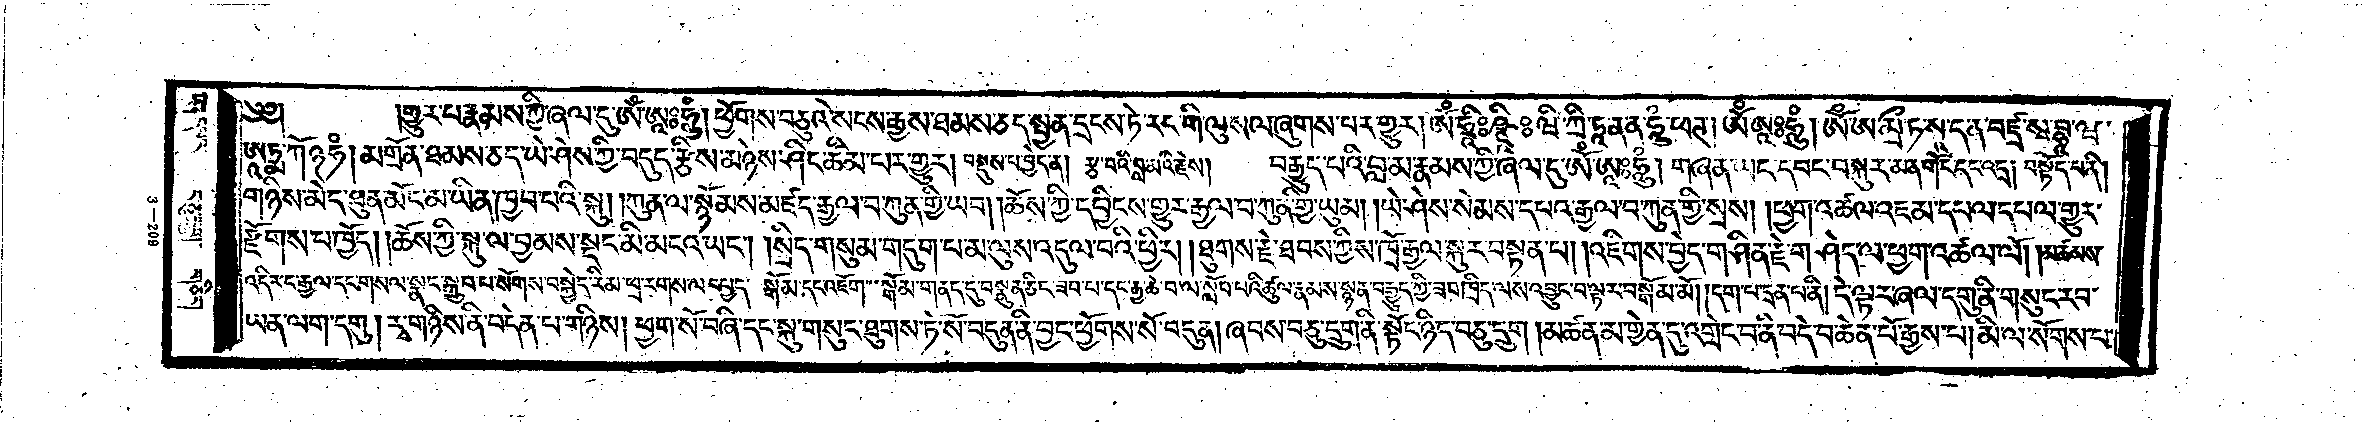༄༅། །གྱུར་པ་རྣམས་ཀྱི་ཞལ་དུ་ཨོཾ་ཨཱཿཧཱུཾ། ཕྱོགས་བཅུའི་སངས་རྒྱས་ཐམས་ཅད་སྤྱན་དྲངས་ཏེ་རང་གི་ལུས་ལ་ཞུགས་པར་གྱུར། ཨོཾ་ཧྲཱིཿཥྚཱིཿཝི་ཀྲི་ཏཱ་ན་ན་ཧཱུཾ་ཕཊ། ཨོཾ་ཨཱཿཧཱུཾ། ཨོཾ་ཨ་མྲྀ་ཏ་སཱ་ད་ན་བཛྲ་སྭ་བྷ་ཝ་
ཨཱཏྨ་ཀོཉཧཾ། མགྲོན་ཐམས་ཅད་ཡེ་ཤེས་ཀྱི་བདུད་རྩིས་མཉེས་ཤིང་ཚིམ་པར་གྱུར། བསྡུས་པ་བྱེད་ན། རྩ་བའི་བླ་མའི་རྗེས།  བརྒྱུད་པའི་བླ་མ་རྣམས་ཀྱི་ཞལ་དུ་ཨོཾ་ཨཱཿཧཱུཾ། གཞན་ཡང་དབང་བསྐུར་མན་གོང་དང་འདྲ། བསྟོད་པ་ནི།
གཉིས་མེད་ཐུན་མོང་མ་ཡིན་ཁྱབ་པའི་སྐུ། ཀུན་ལ་སྙོམས་མཛད་རྒྱལ་བ་ཀུན་གྱི་ཡབ། །ཆོས་ཀྱི་དབྱིངས་གྱུར་རྒྱལ་བ་ཀུན་གྱི་ཡུམ། །ཡེ་ཤེས་སེམས་དཔའ་རྒྱལ་བ་ཀུན་གྱི་སྲས། །ཕྱག་འཚལ་འཇམ་དཔལ་དཔལ་གྱུར་
རྫོགས་པ་ཁྱོད། །ཆོས་ཀྱི་སྐུ་ལ་བྱམས་སྡང་མི་མངའ་ཡང་། །སྲིད་གསུམ་གདུག་པ་མ་ལུས་འདུལ་བའི་ཕྱིར། །ཐུགས་རྗེ་ཐབས་ཀྱིས་ཁྲོ་རྒྱལ་སྐུར་བསྟན་པ། །འཇིགས་བྱེད་གཤིན་རྗེ་གཤེད་ལ་ཕྱག་འཚལ་ལོ། །མཚམས་
འདིར་ང་རྒྱལ་དང་གསལ་སྣང་སྒྲུབ་པ་སོགས་བསྐྱེད་རིམ་ཕྲ་རགས་ལ་དཔྱད་སྒོམ་དང་འཇོག་སྒོམ་གནད་དུ་བསྣུན་ཅིང་ཟབ་པ་དང་རྒྱ་ཆེ་བ་ལ་སློབ་པའི་ཚུལ་རྣམས་སྙན་བརྒྱུད་ཀྱི་ཟབ་ཁྲིད་ལས་འབྱུང་བ་ལྟར་བསྒོམ་མོ། །དག་པ་དྲན་པ་ནི། དེ་ལྟར་ཞལ་དགུ་ནི་གསུང་རབ་
ཡན་ལག་དགུ། རྭ་གཉིས་ནི་བདེན་པ་གཉིས། ཕྱག་སོ་བཞི་དང་སྐུ་གསུང་ཐུགས་ཏེ་སོ་བདུན་ནི་བྱང་ཕྱོགས་སོ་བདུན། ཞབས་བཅུ་དྲུག་ནི་སྟོང་ཉིད་བཅུ་དྲུག །མཚན་མགྱེན་དུ་འགྲེང་བ་ནི་བདེ་བ་ཆེན་པོ་རྒྱས་པ། མི་ལ་སོགས་པ་